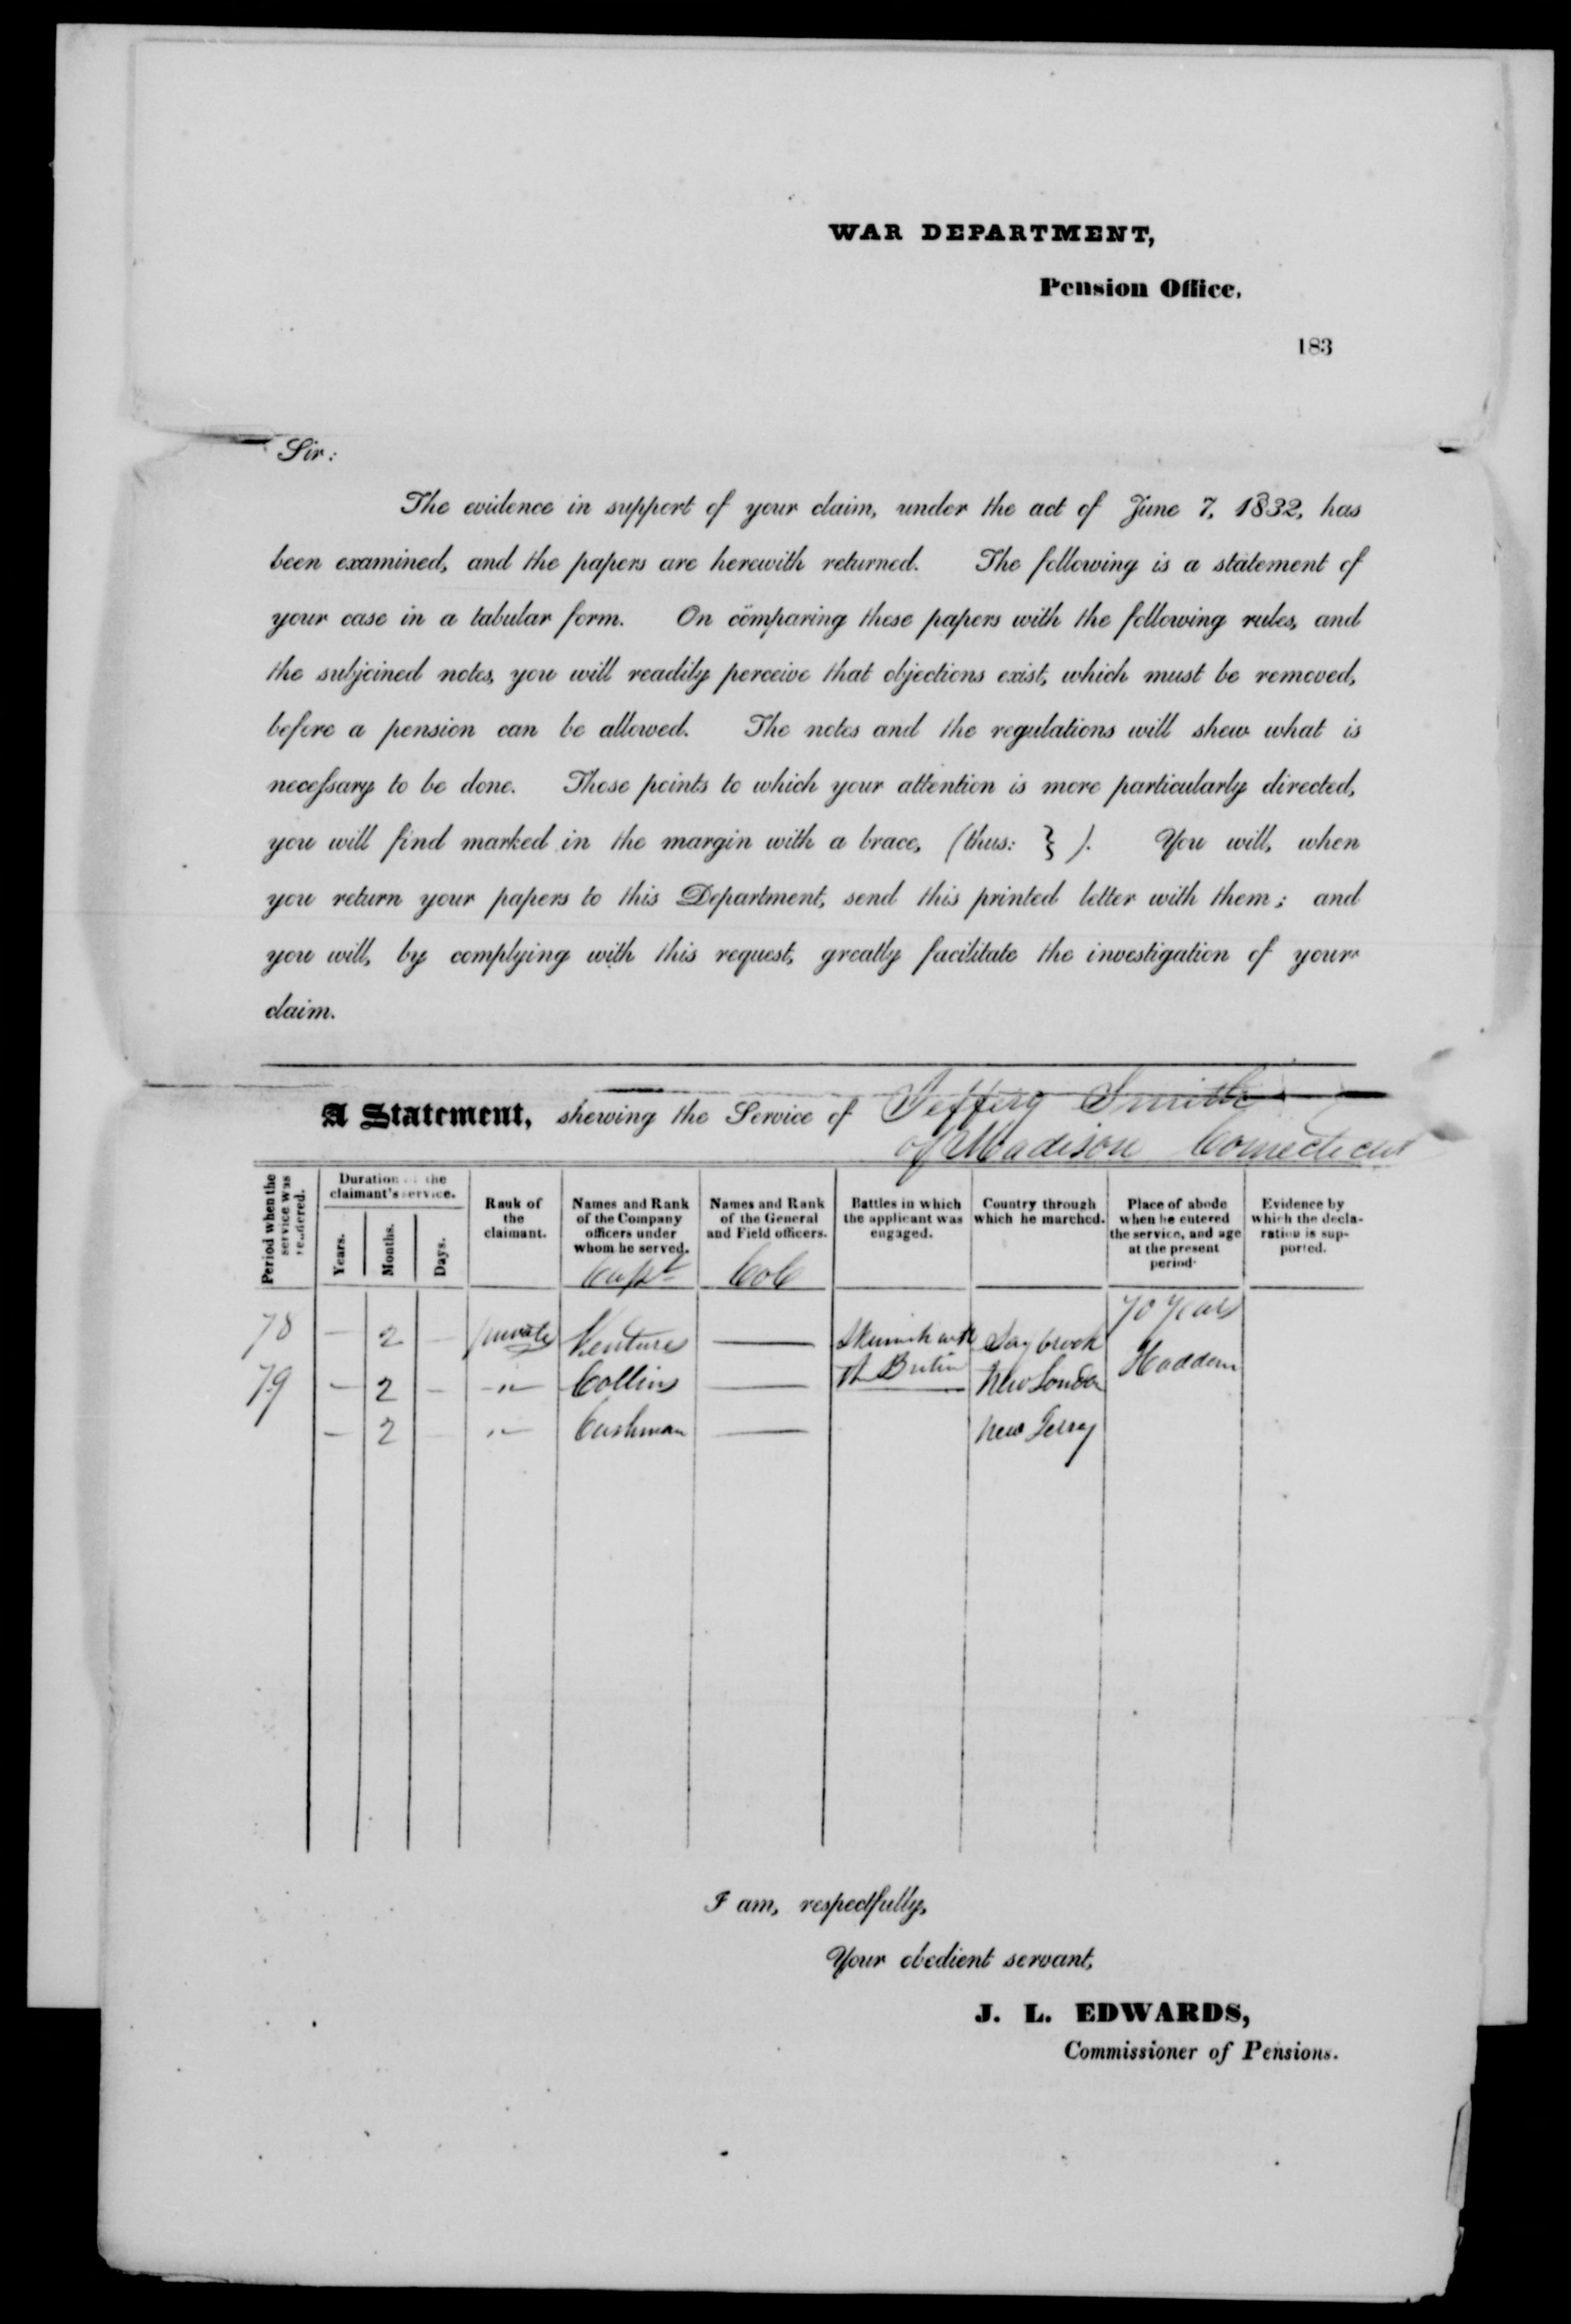WAR DEPARTMENT, Pension Office.
183
Sir:
The evidence in support of your claim, under the act of June 7, 1832, has been examined, and the papers are herewith returned. The following is a statement of your case in a tabular form. On comparing these papers with the following rules, and the subjoined notes, you will readily perceive that objections exist, which must be removed, before a pension can be allowed. The notes and the regulations will shew what is necessary to be done. Those points to which your attention is more particularly directed, you will find marked in the margin with a brace, (thus: }). You will, when you return your papers to this Department, send this printed letter with them; and you will, by complying with this request, greatly facilitate the investigation of your
claim.

Statement, shewing the service of Jeffery Smith
of Madison Connecticut

[Table]
Period when the service was rendered. | Duration the
claimant's service.(Years.|Months.|Days|) | Rank of the claimant. | Names and Rank of the Company officers under whom he served. | Names and Rank of the General and Field officers. | Battles in which the applicant was engaged. | Country through which he marched | Place of abode when he entered the service, and age at the present period | Evidence by which the declaration is supported 
78 79 | - - - | 2 2 2 | - - - | Private " " | Capt Cole Ventures Collins Cashman | - - - | Skirmish with the British | Saybrook NewLondon NewJersey | 70 years Haddem | 

I am, respectfully,
Your obedient servant,

J. L. EDWARDS,
Commissioner of Pensions.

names: J L Edwards; [BLANK] Cushman; [BLANK] Collins; Jeffery Smith; [BLANK] Ventures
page: 4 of 19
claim: survivor's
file: S. 16250, for Jeffery Smith, Connecticut